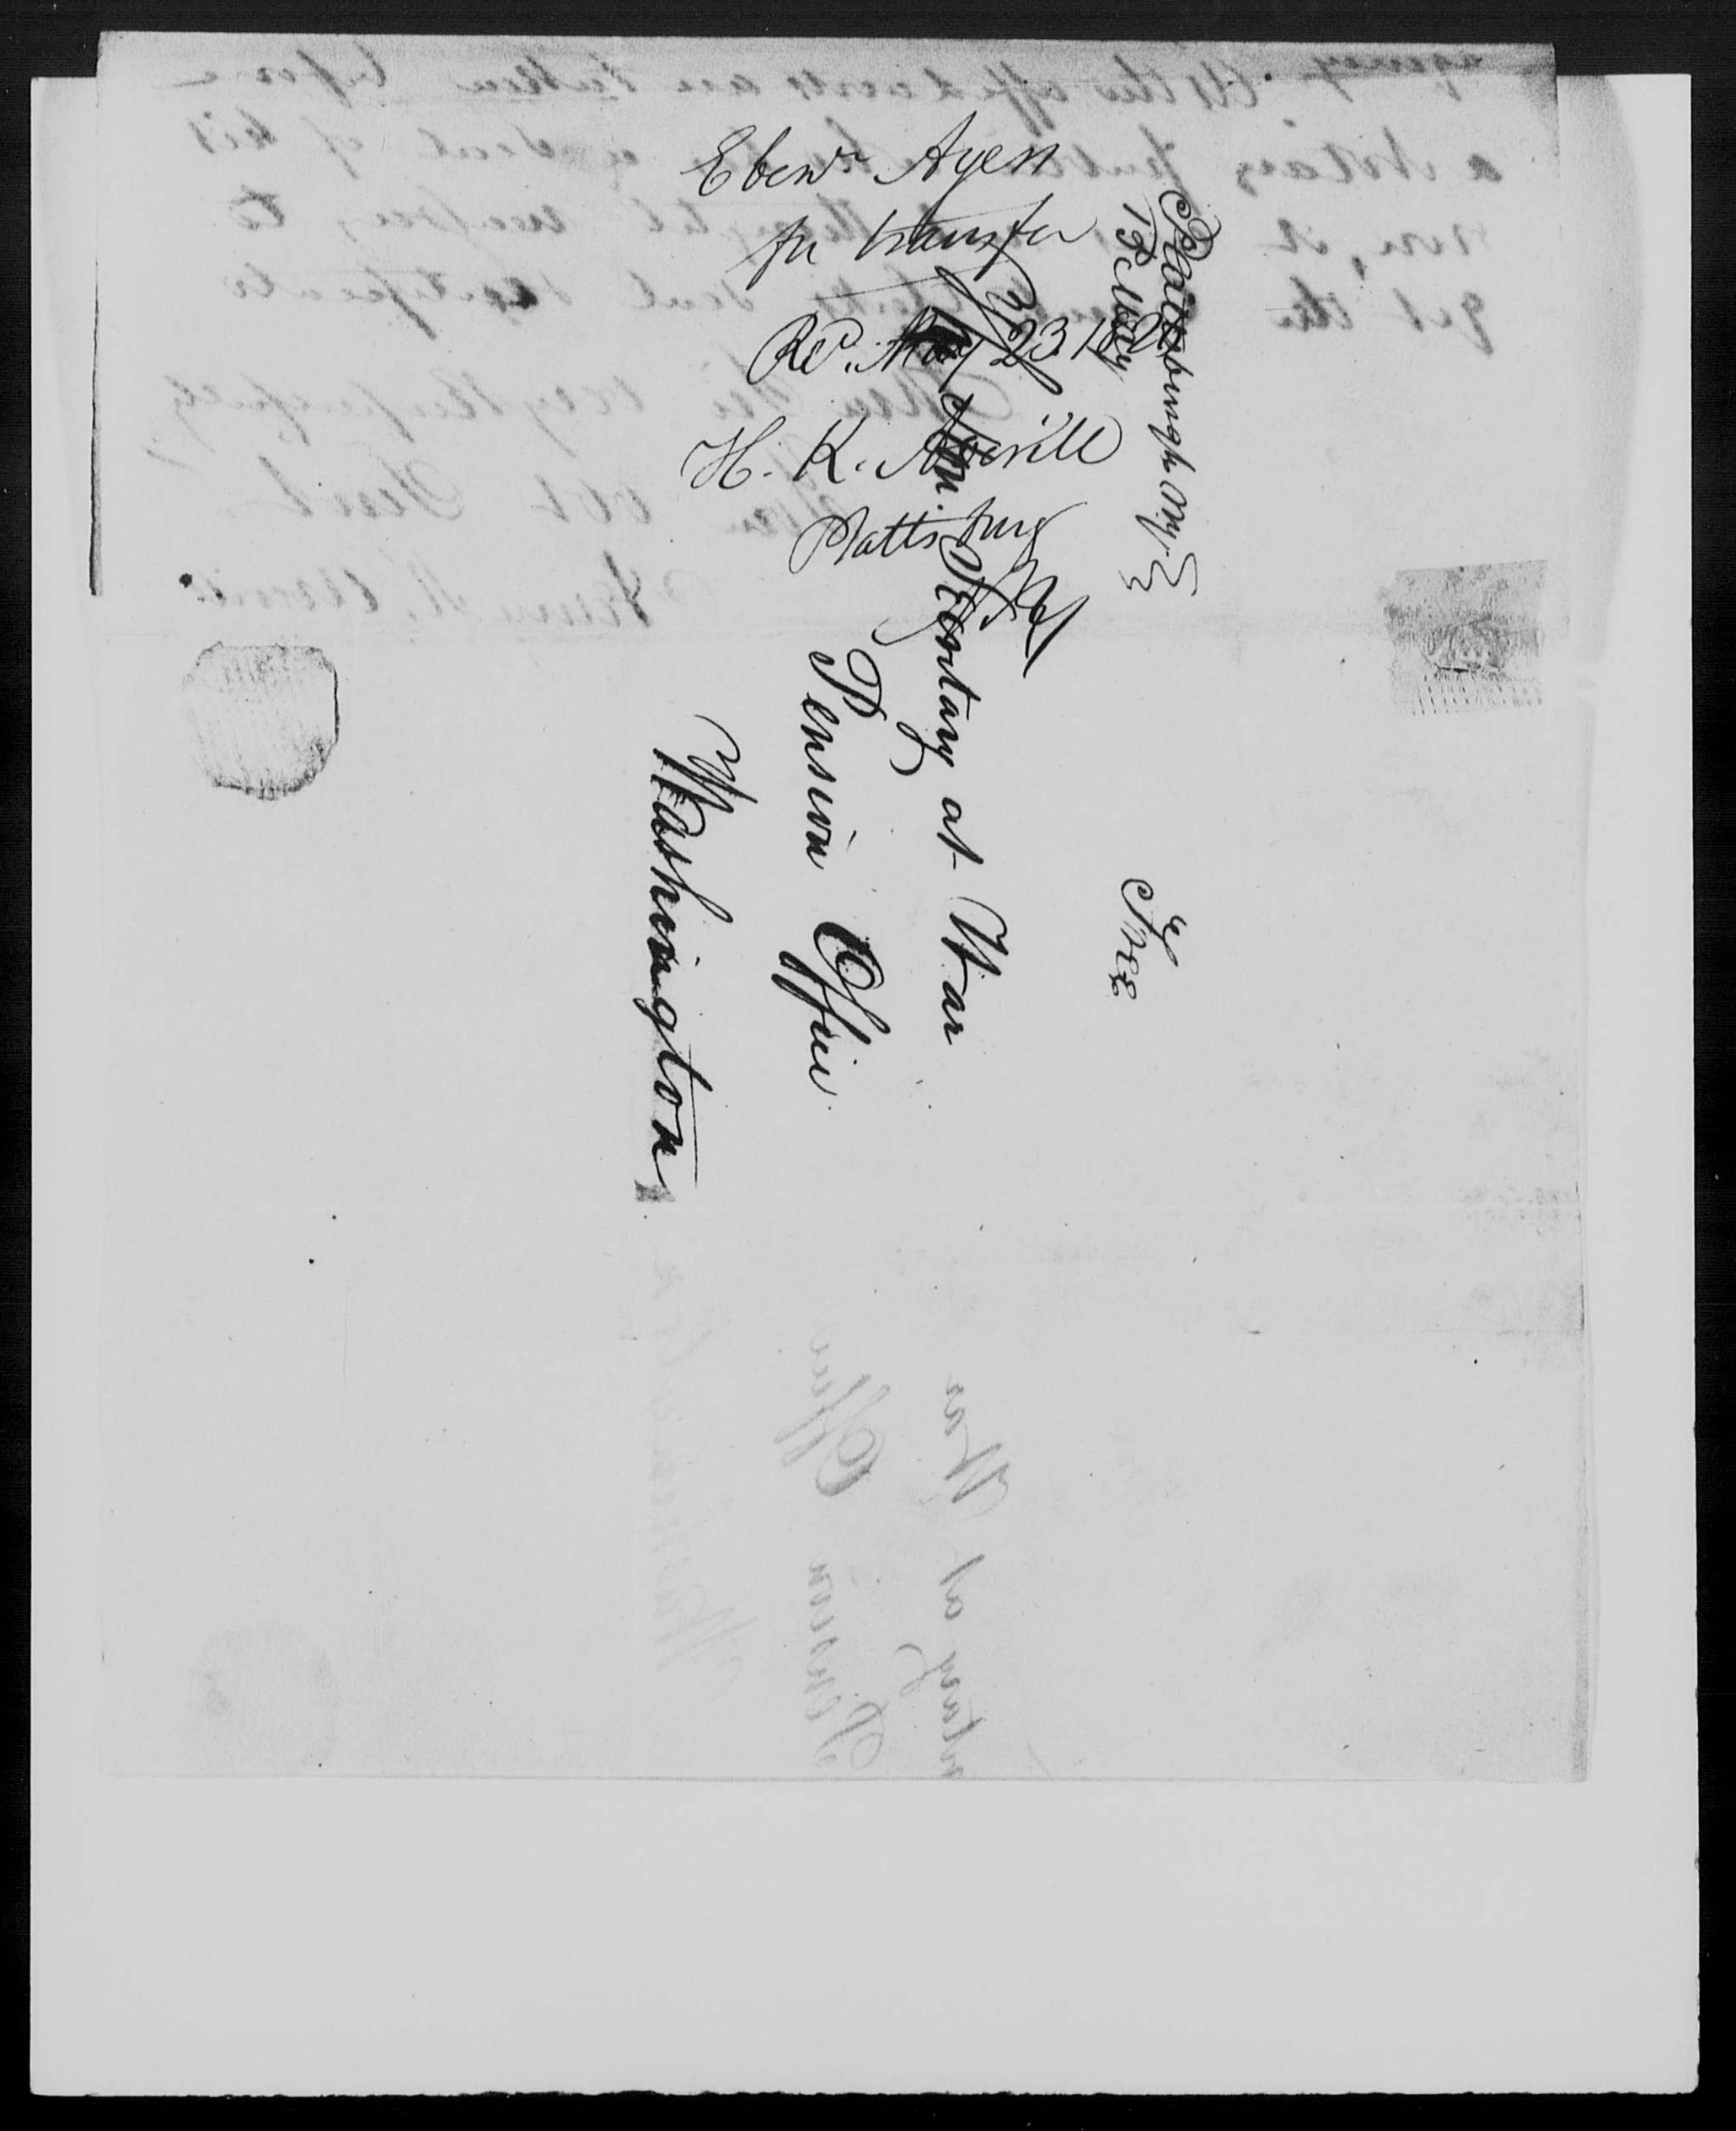Ebenr Ayer
for transfer
Recd May 23 1821
H. K. Averill
Plattsburg NH

Plattsburgh N. Y.}
13 May}
Free
Hon. Secretary at War
Pension Office
Washington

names: H K Averill, Ebenr Ayers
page: 32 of 50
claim: widow's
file: W. 8559, Ebenezer Ayer, Continental (Conn)